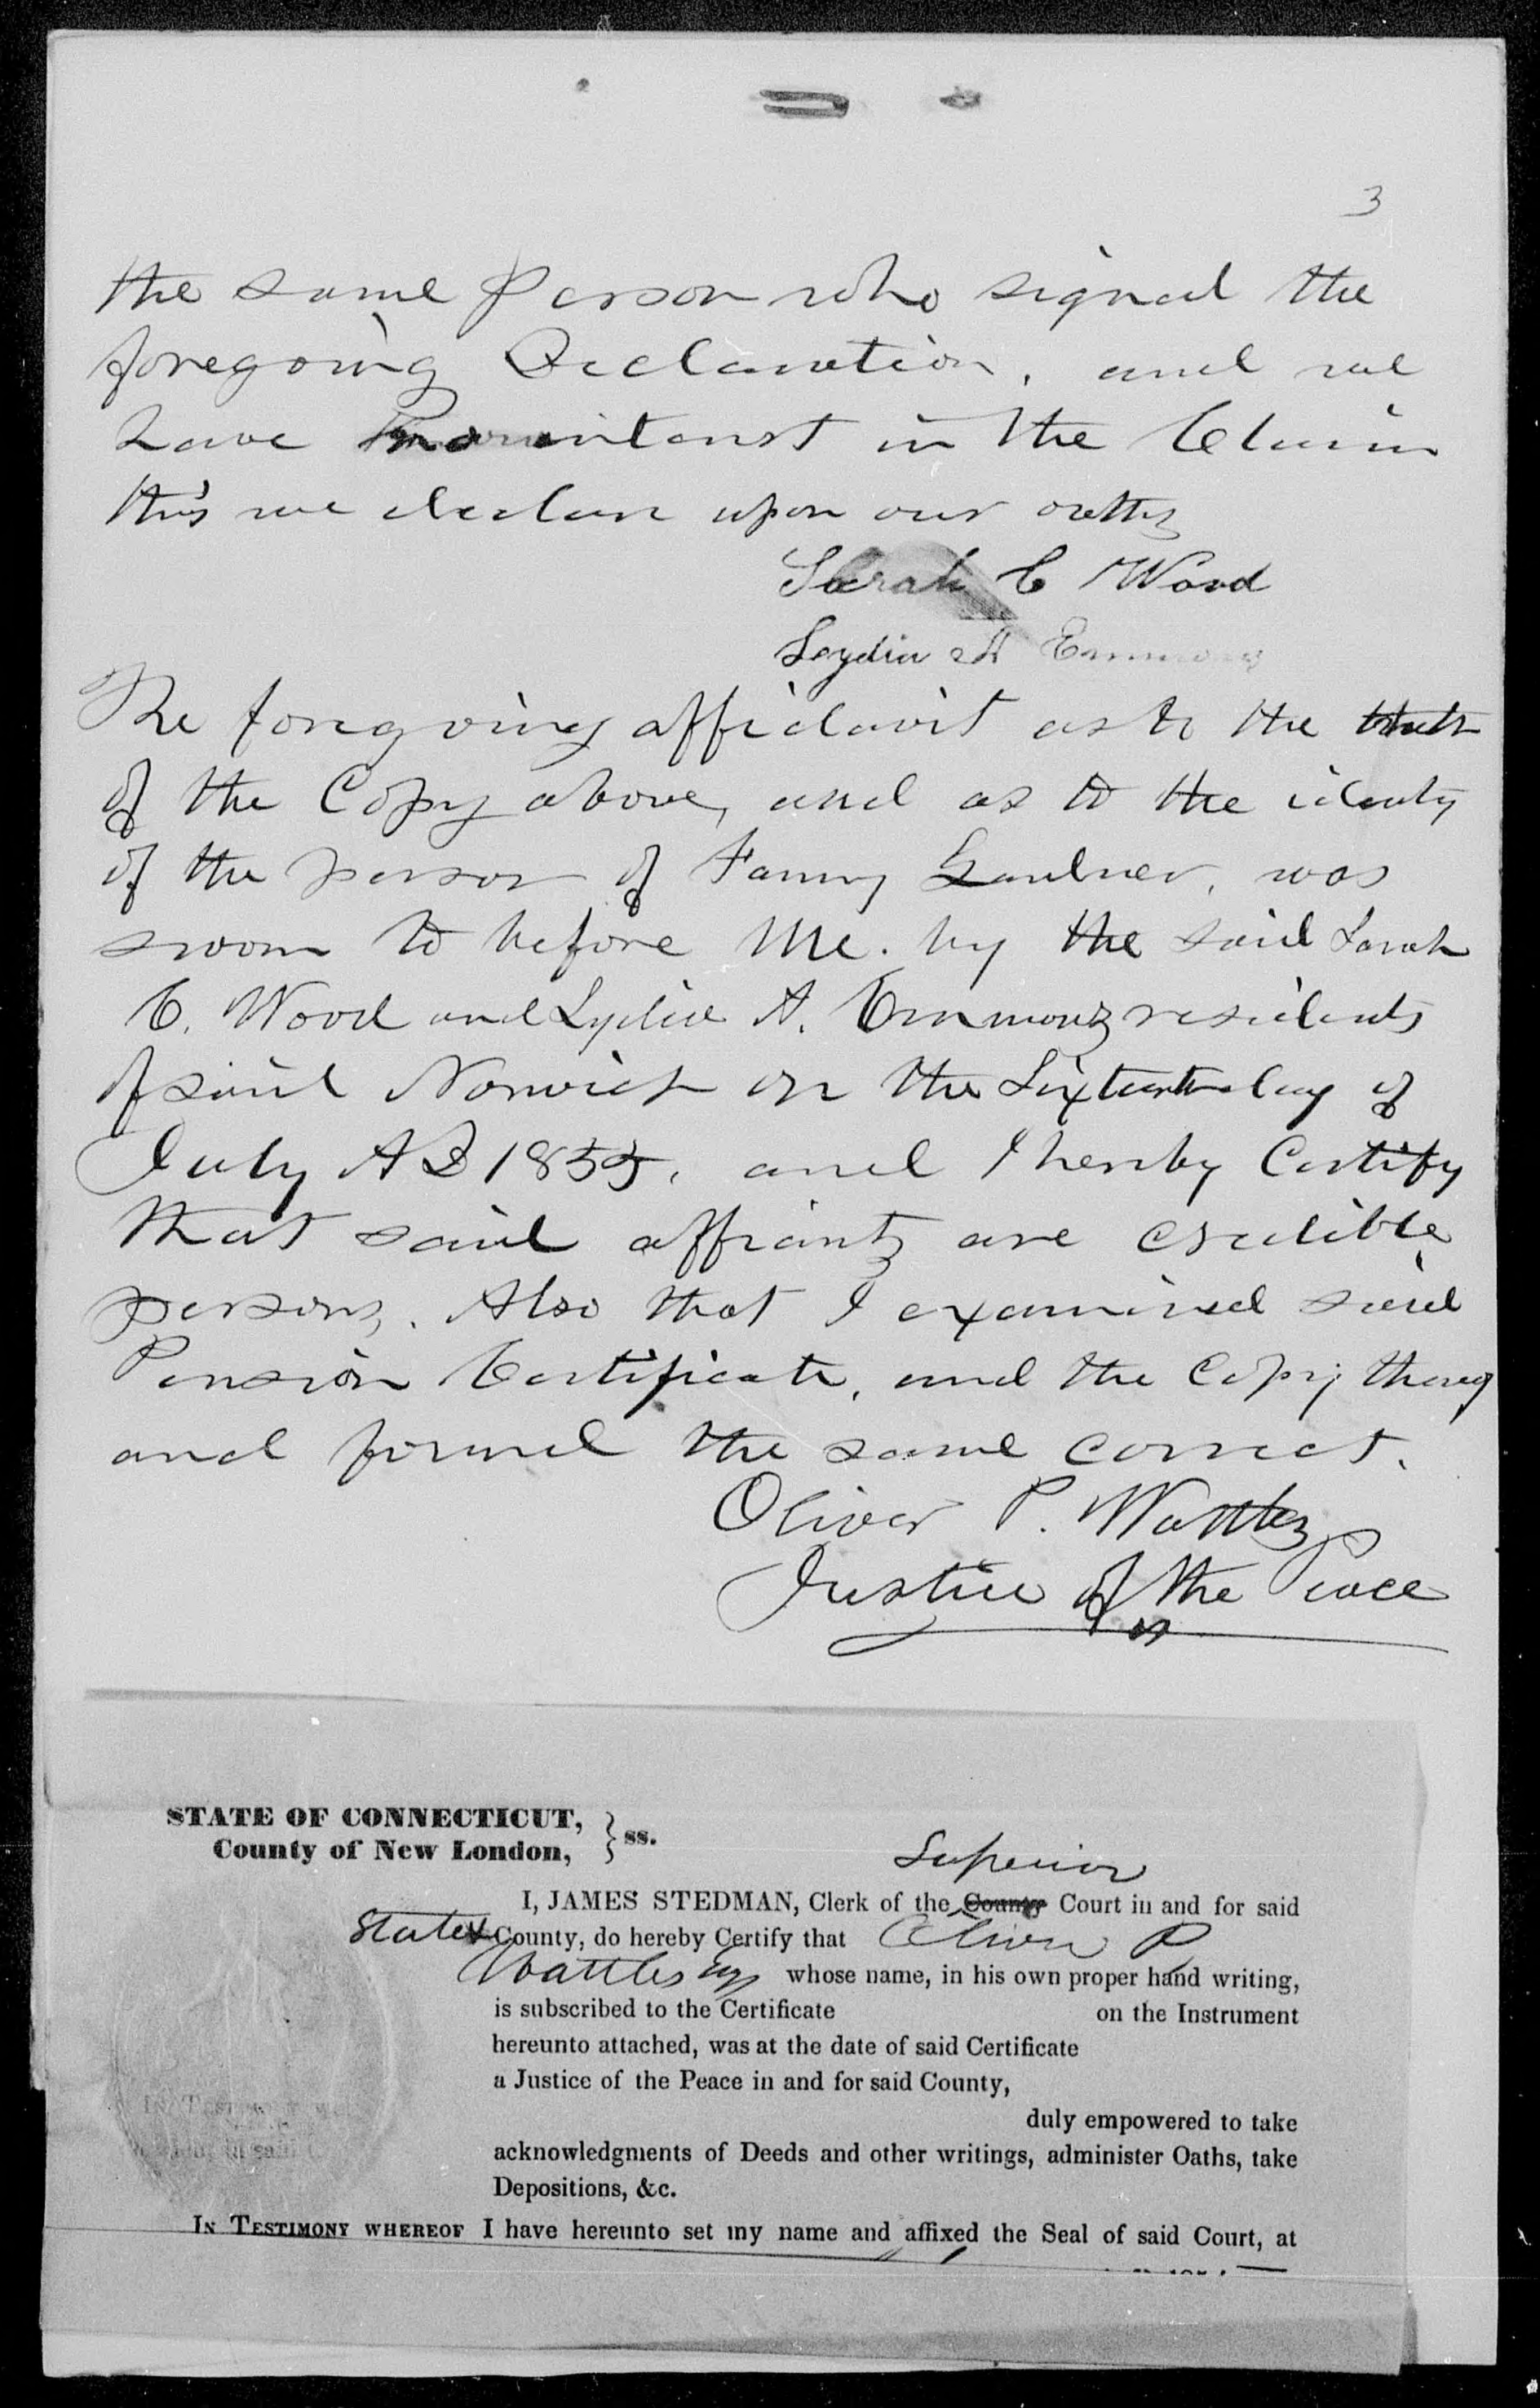3
the same person who signed the  foregoing Declaration, and we have no interest not in the Claim. This we declare upon our oaths.
Sarah C Wood
Lydia A Emmons

The foregoing affidavit as to the truth of the copy above, and as to the identity of the person of Fanny Gardner, was sworn to before me by the said Sarah C Wood and Lydia A Emmons residents of said Norwich on the sixteenth day of July AD 1855, and I hereby Certify that said affiants are credible persons. Also that I examined said Pension Certificate, and the copy thereof and found the same correct.
Oliver P. Wattles
Justice of the Peace


STATE OF CONNECTICUT,  } ss.
County of New London,      }
I, JAMES STEDMAN, Clerk of the Superior Court in and for said State & County, do hereby Certify that Oliver P. Wattles Esq whose name, in is own proper hand writing, is subscribed to the Certificate [empty field] on the Instrument hereunto attached, was at the date of said Certificate [empty field]
a Justice of the Peace in and for said County, [empty field] duly empowered to take
acknowledgments of Deeds and other writings, administer Oaths, take Depositions, &c.
IN TESTIMONY WHEREOF I have hereunto set my name and affixed the Seal of said Court, at
[document folded at bottom over text]
[document is stamped]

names: James Stedman, Oliver P Wattles, Oliver P Wattles, Sarah C Wood, Lydia A Emmons, Lydia A Emmons, Sarah C Wood, Fanny Gardner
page: 14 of 66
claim: widow's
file: W 1850, David Gardner, Conn.